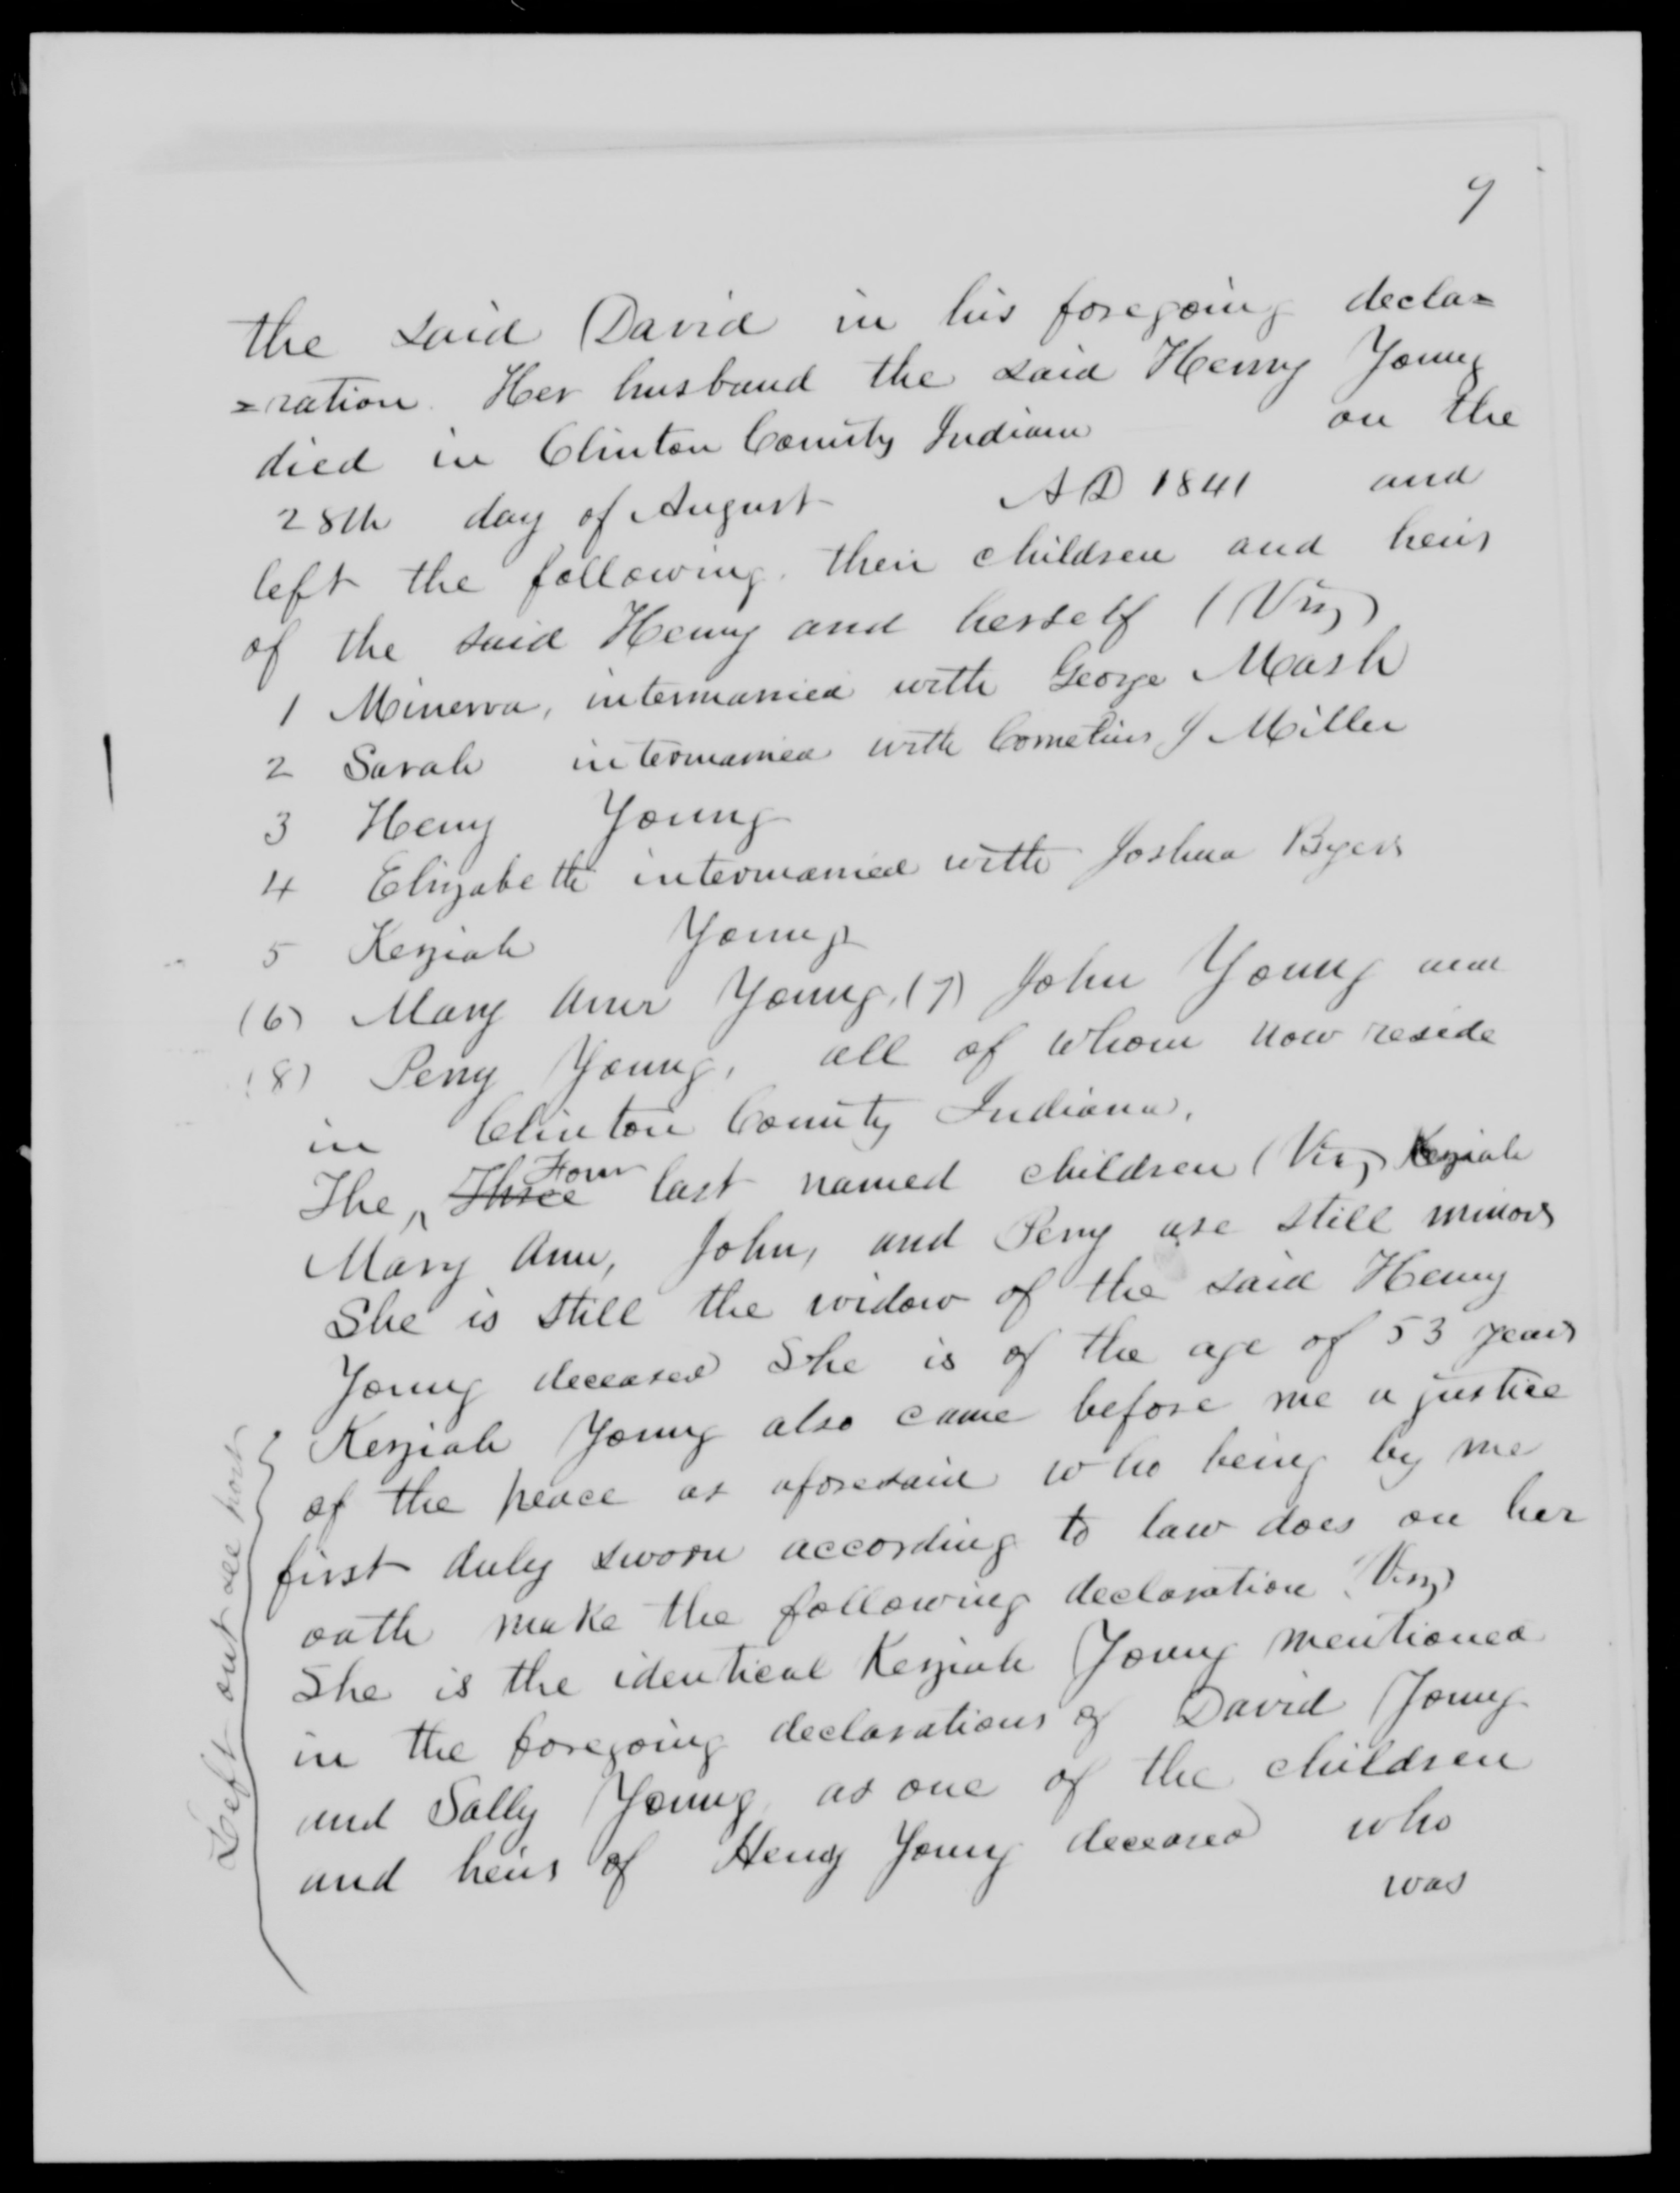9
the said David in his foregoing declaration. Her husband the said Henry Young died in Clinton County Indiana on the 28th day of August
A D 1841 and left the following their children and heirs of the said Henry and herself  (viz)
of the sum
1 Minerva, intermarried with George Mash
2 Sarah intermarried with Comelius J Miller
3 Henry Young
4 Elizabeth intermarried with Joshua Byers
5 Keziah Young
6 Mary Ann Young
7 John Young and
8 Perry Young, all of whom now reside
Clinton County Indiana

The last named children (viz) Keziah
Mary Ann, John and Perry are still minors.
She is still the widow of the said Henry
Young deceased. She is of the age of 53 years.
Keziah Young also came before me a justice
of the peace as aforesaid who being by me
first duly sworn according to law does on her
oath make the following declaration (viz)
She is the identical Keziah Young mentioned
in the foregoing declarations of David Young
and Sally Young as one of the children
and heirs of Henry Young deceased, who
was

[left margin note]
Left out see host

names: Henry Young, John Young, Minerva, Sarah, George Mash, David Young, Mary Ann Young, Joshua Byers, Heny Young, Elizabeth, Keziah Young, Perry Young, David, J Miller, Sally Young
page: 28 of 123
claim: rejected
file: R. 11,949, Matthias Young, Md.